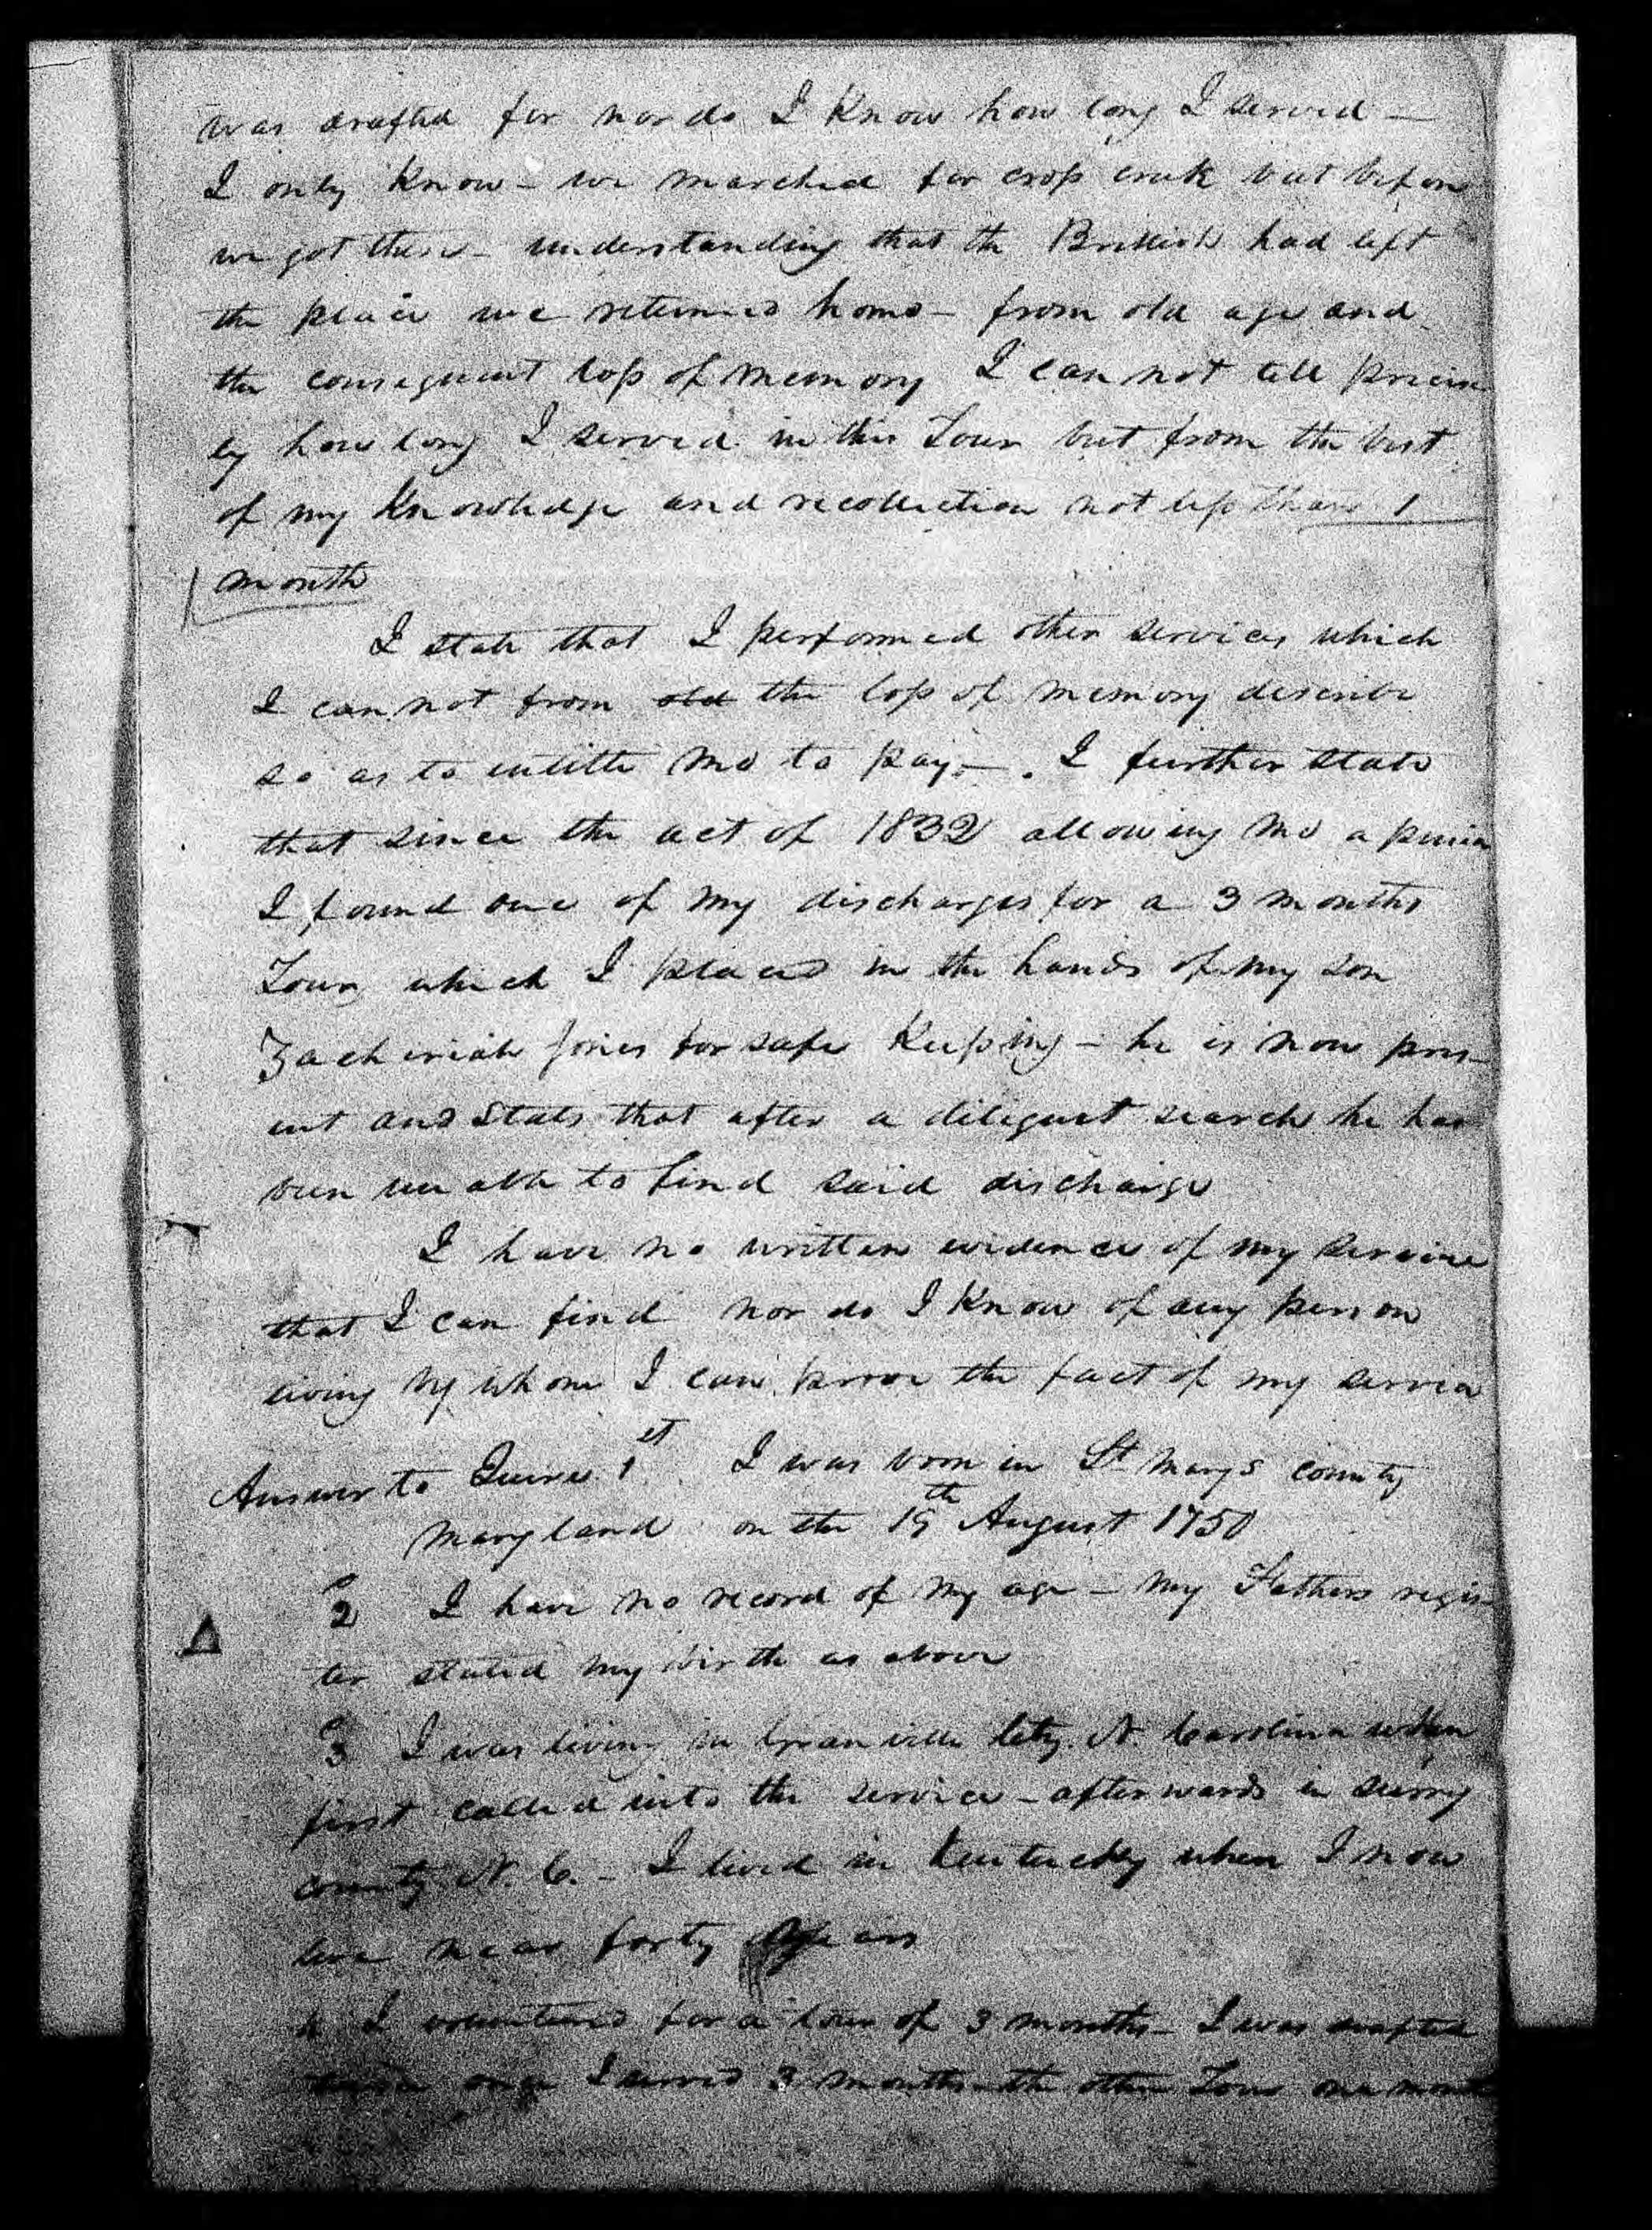was drafted for nor do I know how long I served -
I only know - we marched for Cross Creek but before
we got there--understanding that the Brittish had left
the place we returned home--from old age and
the consequent loss of memory I cannot tell precisely
how long I served in this Tour, but from the best
of my knowledge and recollection not less than 1
month.
I state that I performed other services which
I cannot from the loss of memory describe
so as to entitle me to pay. I further state
that since the Act of 1832 allowing me a pension
I found one of my discharges for a 3 month
Tour which I place in the hands of my son
Zacheriah Jones for safe keeping - he is now present
and states that after a diligent search he has
been unable to find said discharge.
I have no written evidence of my service
that I can find nor do I know of any person
living by whom I can prove the fact of my service.
Answer to Queries:
1st I was born in St Mary's County 
Maryland on the 19th August 1750.
2. I have no record of my age--my Father's register
stated my birth as above.
3. I was living Granville County N. Carolina when
first called into the service--afterwards in Surrey
County N.C.-- I lived in Kentucky where I now
live near forty years.
4. I volunteered for a tour of 3 months--  I was drafted
since once. I served 3 months with other Tour one month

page: 6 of 17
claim: survivor's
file: S. 38092, for Stephen Jones, North Carolina